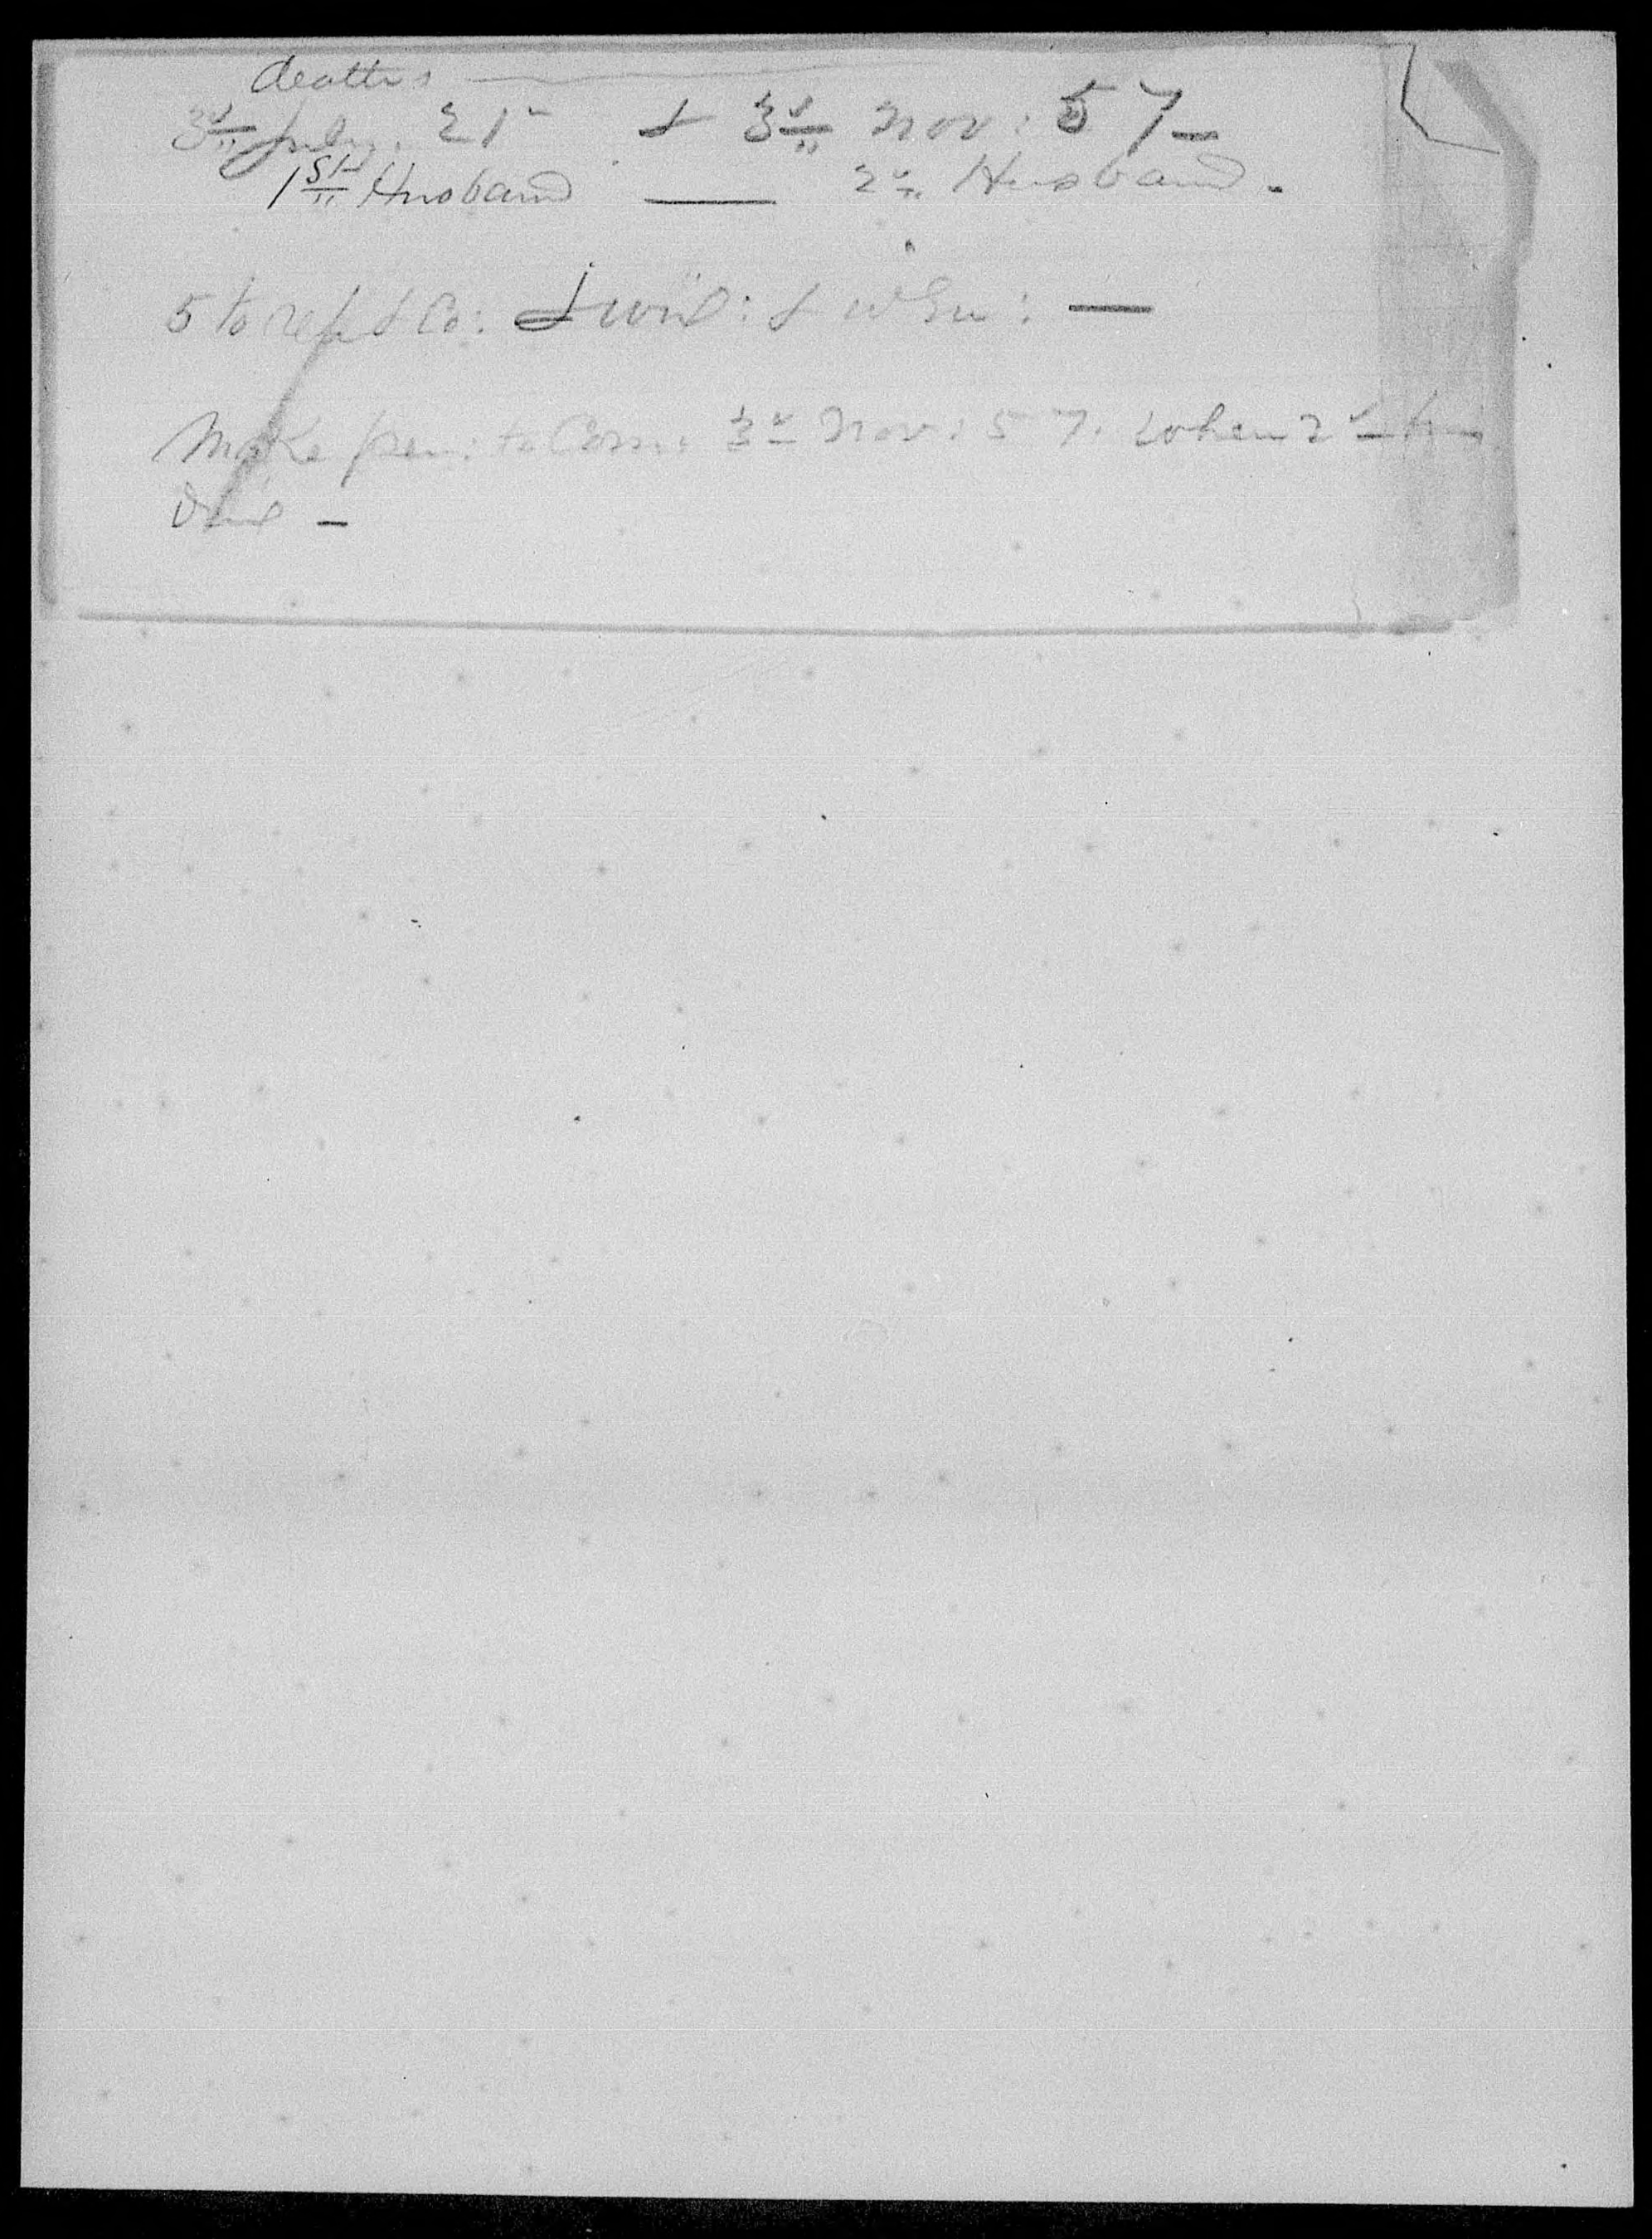Deaths
3d July. 21   3d nov 57
1st Husband   2d husband.
5 to [illegible] co. June: [illegible]
Make pen to coms 3d nov: 57 when 2d hus
[illegible]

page: 19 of 48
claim: widow's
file: W. 10476, James Hodge, New York